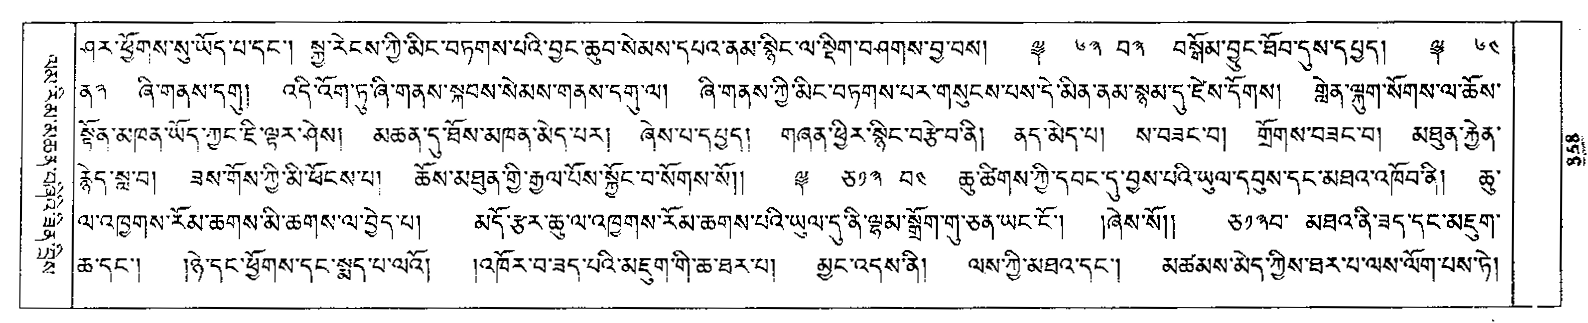ཤར་ཕྱོགས་སུ་ཡོད་པ་དང་། སྐྱ་རེངས་ཀྱི་མིང་བཏགས་པའི་བྱང་ཆུབ་སེམས་དཔའ་ནམ་སྙིང་ལ་སྡིག་བཤགས་བྱ་བས། ༈ ༦༣་བ ༣་བསྒོམ་བྱུང་ཐོབ་དུས་དཔྱད། ༈ ༦༤
ན ༢་ཞི་གནས་དགུ། འདི་འོག་ཏུ་ཞི་གནས་སྐབས་སེམས་གནས་དགུ་ལ། ཞི་གནས་ཀྱི་མིང་བཏགས་པར་གསུངས་པས་དེ་མིན་ནམ་སྙམ་དུ་ཛེས་དོགས། གླེན་ལྐུག་སོགས་ལ་ཆོས་
སྟོན་མཁན་ཡོད་ཀྱང་ཇི་ལྟར་ཤེས། མཆན་དུ་ཐོས་མཁན་མེད་པར། ཞེས་པ་དཔྱད། གཞན་ཕྱིར་སྙིང་བརྩེ་བ་ནི། ནད་མེད་པ། ས་བཟང་བ། གྲོགས་བཟང་བ། མཐུན་རྐྱེན་
རྙེད་སླ་བ། ཟས་གོས་ཀྱི་མི་ཕོངས་པ། ཆོས་མཐུན་གྱི་རྒྱལ་པོས་སྐྱོང་བ་སོགས་སོ།། ༈ ཅ ༡༣་བ ༤་ཆུ་ཚིགས་ཀྱི་དབང་དུ་བྱས་པའི་ཡུལ་དབུས་དང་མཐའ་འཁོབ་ནི། ཆུ་
ལ་འཁྱགས་རོམ་ཆགས་མི་ཆགས་ལ་བྱེད་པ། མདོ་རྩར་ཆུ་ལ་འཁྱགས་རོམ་ཆགས་པའི་ཡུལ་དུ་ནི་ལྷམ་སྒྲོག་གུ་ཅན་ཡང་ངོ། །ཞེས་སོ།། ཅ ༡༣་བ་མཐའ་ནི་ཟད་དང་མཇུག་
ཆ་དང་། །ཉེ་དང་ཕྱོགས་དང་སྨད་པ་ལའོ། །འཁོར་བ་ཟད་པའི་མཇུག་གི་ཆ་ཐར་པ། མྱང་འདས་ནི། ལས་ཀྱི་མཐའ་དང་། མཚམས་མེད་ཀྱིས་ཐར་པ་ལས་ལོག་པས་ཏེ།